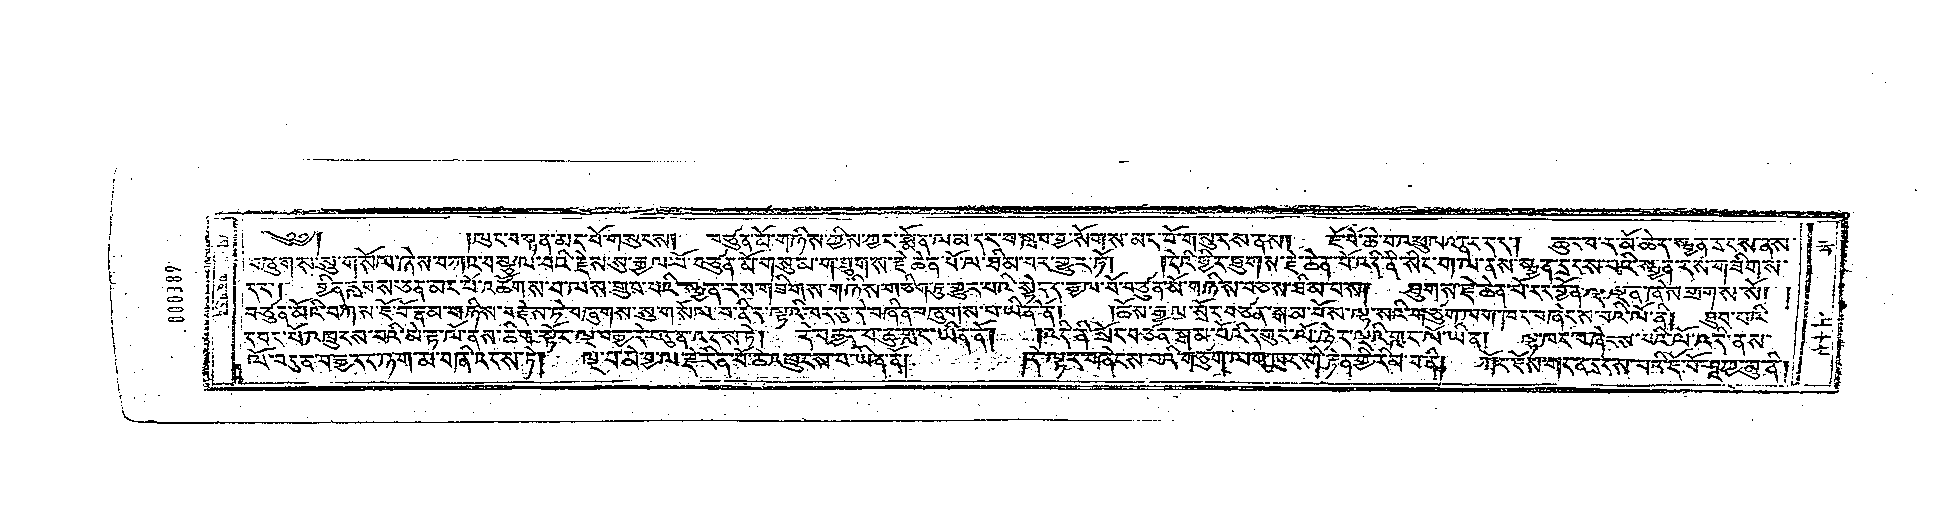༄༅། །ལུང་བསྟན་མང་པོ་གསུངས། བཙུན་མོ་གཉིས་ཀྱིས་ཀྱང་སྨོན་ལམ་དང་བསླབ་བྱ་སོགས་མང་པོ་གསུངས་ནས། ཇོ་བོ་ཆེ་བ་འཕྲུལ་ནད་དང་། ཆུང་བར་མོ་ཆེར་སྤྱན་དྲངས་ནས་
བཞུགས་སུ་གསོལ་ཉེས་བཀའ་བསྩལ་བའི་རྗེས་སུ་རྒྱལ་པོ་བཙུན་མོ་གསུམ་ག་ཐུགས་རྗེ་ཆེན་པོ་ལ་ཐིམ་པར་གྱུར་ཏོ། །དེའི་ཕྱིར་ཐུགས་རྗེ་ཆེན་པོ་འདི་ནི་སིང་ག་ལ་ནས་སྤྱན་དྲངས་བའི་སྤྱན་རས་གཟིགས་
དང་། བྱིན་རླབས་ཅན་མང་པོ་འཚོགས་པ་ལས་གྲུབ་པའི་སྤྱན་རས་གཟིགས་གཉིས་གཅིག་ཏུ་གྱུར་པའི་སྟེང་དུ་རྒྱལ་པོ་བཙུན་མོ་གཉིས་བཅས་ཐིམ་པས། ཐུགས་རྗེ་ཆེན་པོ་རང་བྱོན་ལྔ་ལྡན་ཞེས་གྲགས་སོ། །
བཙུན་མོའི་བཀས་ཇོ་བོ་རྣམ་གཉིས་བརྗེས་ཏེ་བཞུགས་སུ་གསོལ་བ་ནི་ད་ལྟའི་བར་དུ་དེ་བཞིན་བཞུགས་པ་ཡིན་ནོ། །ཆོས་རྒྱལ་སྲོད་བཙན་སྒམ་པོས་ལྷ་སའི་གཙུག་ལག་ཁང་བཞེངས་བའི་ལོ་ནི། ཐུབ་པའི་
དབང་པོ་འཁྲུངས་པའི་མེ་རྟ་ལོ་ནས་ཆིག་སྟོང་ལྔ་བརྒྱ་རེ་བདུན་འདས་ཏེ། རེ་བརྒྱད་པ་ཆུ་གླང་ཡིན་ནོ། །འདི་ནི་སྲོང་བཙན་སྒམ་པོའི་དགུང་ལོ་ཉེར་ལྔའི་གླང་ལོ་ཡིན། ལྷ་ཁང་བཞེངས་པའི་ལོ་འདི་ནས་
ལོ་བདུན་བརྒྱ་དང་ཉག་མ་བཞི་འདས་ཏེ། ལྔ་པ་མེ་བྱ་ལ་རྗེ་རིན་པོ་ཆེ་འཁྲུངས་པ་ཡིན་ནོ། །དེ་ལྟར་བཞེངས་པའི་གཙུག་ལག་ཁང་གི་རྟེན་གྱི་རིམ་བ་ནི། ཀོང་ཇོས་གདན་དྲངས་པའི་ཇོ་བོ་ཤཱཀྱ་མུ་ནི།